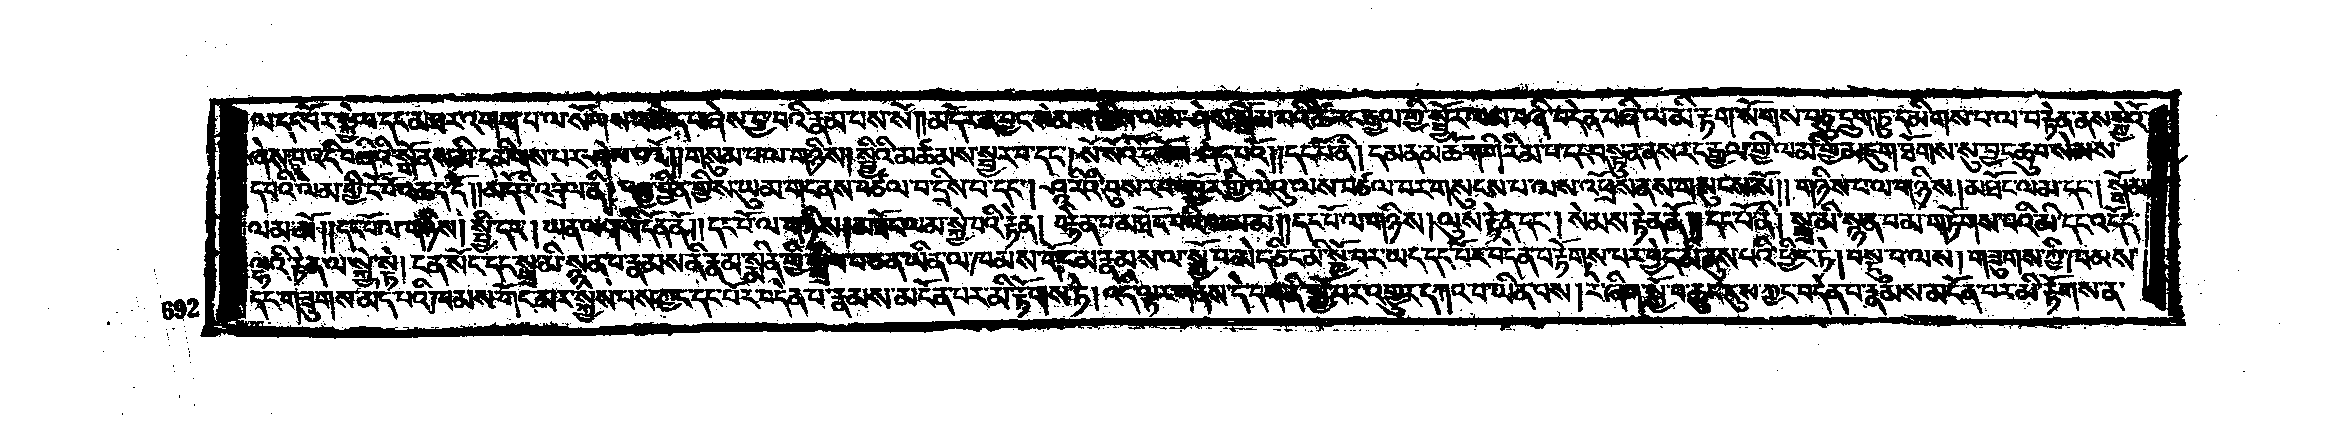ལ་དང་པོར་སྐྱེ་བ་དང་མཐར་འགག་པ་ལ་སོགས་པ་མེད་པ་ཞེས་བྱ་བའི་རྣམ་པས་སོ། །མདོར་ན་བྱང་སེམས་ཀྱིས་ལམ་ཤེས་སྒོམ་པའི་ཚེ་རང་རྒྱལ་གྱི་སྦྱོར་ལམ་བཞི་བདེན་བཞི་ལ་མི་རྟག་སོགས་བཅུ་དྲུག་ཏུ་དམིགས་པ་ལ་བརྟེན་ནས་སྐྱེའོ་
ཞེས་པ་འདི་བཞིའི་སྒོ་ནས་མི་དམིགས་པར་ཤེས་པའོ། །གསུམ་པ་ལ་གཉིས། སྤྱིའི་མཚམས་སྦྱར་བ་དང་། སོ་སོའི་ངོ་བོ་བཤད་པའོ། །དང་པོ་ནི། དམན་མཆོག་གི་རིམ་པ་དང་བསྟུན་ནས་རང་རྒྱལ་གྱི་ལམ་གྱི་མཇུག་ཐོགས་སུ་བྱང་ཆུབ་སེམས་
དཔའི་ལམ་གྱི་ངོ་བོ་འཆད་དོ། །མདོའི་འབྲེལ་ནི། བརྒྱ་བྱིན་གྱིས་ཡུམ་གང་ནས་བཙལ་བ་དྲིས་པ་དང་། ཤཱ་རིའི་བུས་རབ་འབྱོར་གྱི་ལེའུ་ལས་བཙལ་བར་གསུངས་པ་ལས་འཕྲོས་ནས་གསུངས་སོ། །གཉིས་པ་ལ་གཉིས། མཐོང་ལམ་དང་། སྒོམ་
ལམ་མོ། །དང་པོ་ལ་གཉིས། སྤྱི་དང་། ཡན་ལག་གི་དོན་ནོ། །དང་པོ་ལ་གཉིས། མཐོང་ལམ་སྐྱེ་བའི་རྟེན། བརྟེན་པ་མཐོང་བའི་ལམ་མོ། །དང་པོ་ལ་གཉིས། ལུས་རྟེན་དང་། སེམས་རྟེན་ནོ། །དང་པོ་ནི། སྒྲ་མི་སྙན་པ་མ་གཏོགས་པའི་མི་དང་འདོད་
ལྷའི་རྟེན་ལ་སྐྱེ་སྟེ། ངན་སོང་དང་སྒྲ་མི་སྙན་པ་རྣམས་ནི་རྣམ་སྨིན་གྱི་སྒྲིབ་པ་ཅན་ཡིན་ལ་ཁམས་གོང་མ་རྣམས་ལ་སྐྱོ་བ་མེད་ཅིང་མི་སྐྱོ་བར་ཡང་དང་པོར་བདེན་པ་རྟོགས་པར་བྱེད་མི་ནུས་པའི་ཕྱིར་ཏེ། བསྡུ་བ་ལས། གཟུགས་ཀྱི་ཁམས་
དང་གཟུགས་མེད་པའི་ཁམས་གོང་མར་སྐྱེས་པས་ཀྱང་དང་པོར་བདེན་པ་རྣམས་མངོན་པར་མི་རྟོགས་ཏེ། འདི་ལྟར་གནས་དེ་དག་ནི་སྐྱོ་བར་འགྱུར་དཀའ་བ་ཡིན་པས། རེ་ཞིག་སྐྱོ་བ་ཆུང་ངུས་ཀྱང་བདེན་པ་རྣམས་མངོན་པར་མི་རྟོགས་ན་